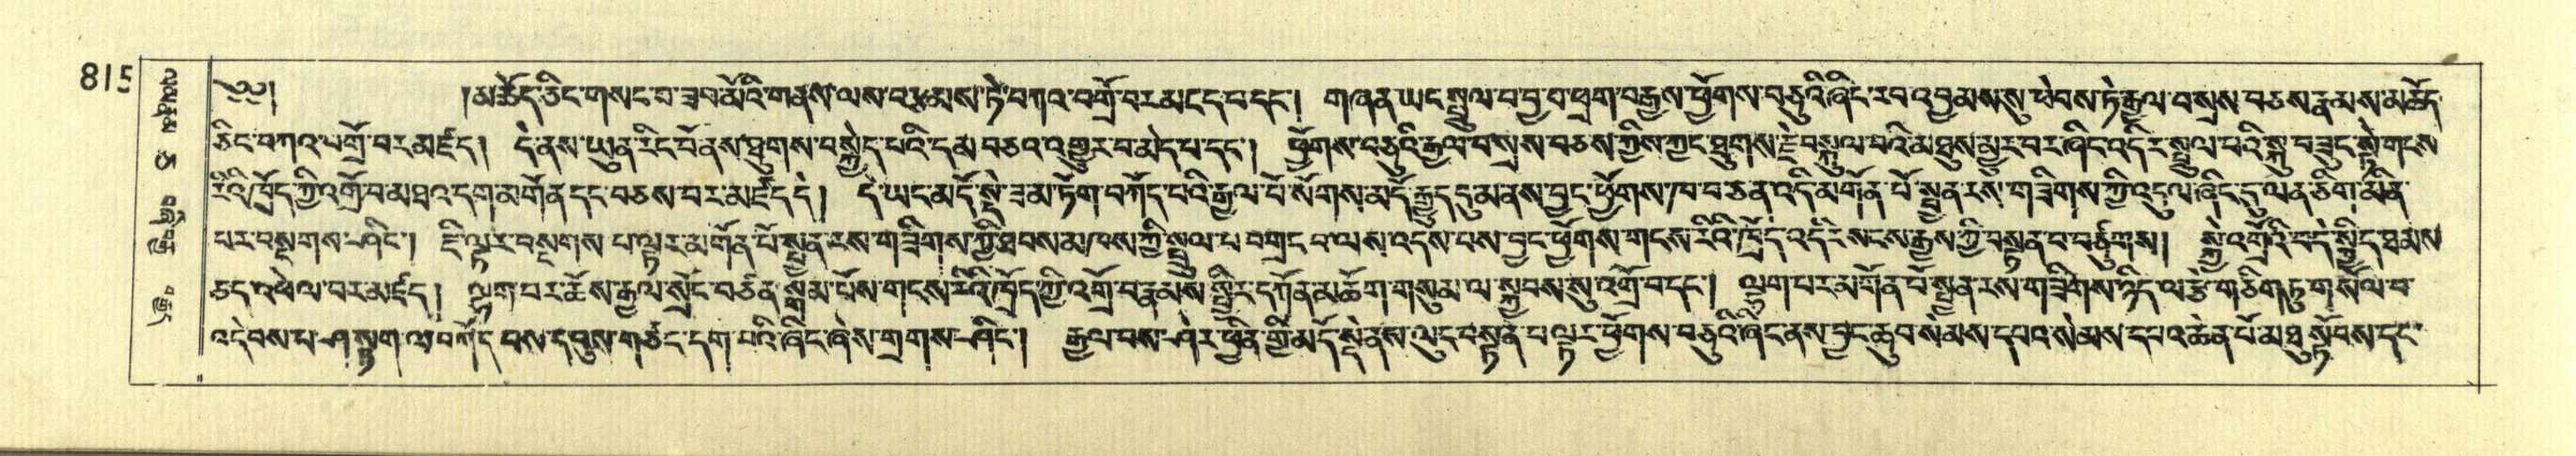༄༅། །མཆོད་ཅིང་གསང་བ་ཟབ་མོའི་གནས་ལས་བརྩམས་ཏེ་བཀའ་བགྲོ་བར་མཛད་པ་དང་། གཞན་ཡང་སྤྲུལ་པ་བྱ་བ་ཕྲག་བརྒྱས་ཕྱོགས་བཅུའི་ཞིང་རབ་འབྱམས་སུ་ཕེབས་ཏེ་རྒྱལ་བ་སྲས་བཅས་རྣམས་མཆོད་
ཅིང་བཀའ་བགྲོ་བར་མཛད། དེ་ནས་ཡུན་རིང་བོ་ནས་ཐུགས་བསྐྱེད་པའི་དམ་བཅའ་འགྱུར་བ་མེད་པ་དང་། ཕྱོགས་བཅུའི་རྒྱལ་བ་སྲས་བཅས་ཀྱིས་ཀྱང་ཐུགས་རྗེ་བསྐུལ་བའི་མཐུས་མྱུར་བར་ཞིང་འདིར་སྤྲུལ་བའི་སྐུ་བཟུང་སྟེ་གངས་
རིའི་ཁྲོད་ཀྱི་འགྲོ་བ་མཐའ་དག་མགོན་དང་བཅས་བར་མཛད་དེ། དེ་ཡང་མདོ་སྡེ་ཟ་མ་ཏོག་བཀོད་བའི་རྒྱལ་པོ་སོགས་མདོ་རྒྱུད་དུ་མ་ནས་བྱང་ཕྱོགས་ཁ་བ་ཅན་འདི་མགོན་པོ་སྤྱན་རས་གཟིགས་ཀྱི་འདུལ་ཞིང་དུ་ལན་ཅིག་མིན་
པར་བསྔགས་ཤིང་། ཇི་ལྟར་བསྔགས་པ་ལྟར་མགོན་པོ་སྤྱན་རས་གཟིགས་ཀྱི་ཐབས་མཁས་ཀྱི་སྤྲུལ་པ་བགྲང་བ་ལས་འདས་པས་བྱང་ཕྱོགས་གངས་རིའི་ཁྲོད་འདིར་སངས་རྒྱས་ཀྱི་བསྟན་བ་བཙུགས། སྐྱེ་འགྲོའི་བདེ་སྐྱིད་ཐམས་
ཅད་འཕེལ་བར་མཛད། ལྷག་པར་ཆོས་རྒྱལ་སྲོང་བཙན་སྒམ་པོས་གངས་རིའི་ཁྲོད་ཀྱི་འགྲོ་བ་རྣམས་སྤྱིར་དཀོན་མཆོག་གསུམ་ལ་སྐྱབས་སུ་འགྲོ་བ་དང་། ལྷག་པར་མགོན་པོ་སྤྱན་རས་གཟིགས་ཉིད་ལ་རྩེ་གཅིག་ཏུ་གསོལ་བ་
འདེབས་པ་ཤ་སྟག་ལ་བཀོད་བས་དབུས་གཙང་དག་པའི་ཞིང་ཞེས་གྲགས་ཤིང་། རྒྱལ་བས་ཤེར་ཕྱིན་གྱི་མདོ་སྡེ་ནས་ལུང་བསྟན་པ་ལྟར་ཕྱོགས་བཅུའི་ཞིང་ནས་བྱང་ཆུབ་སེམས་དཔའ་སེམས་དཔའ་ཆེན་པོ་མཐུ་སྟོབས་དང་